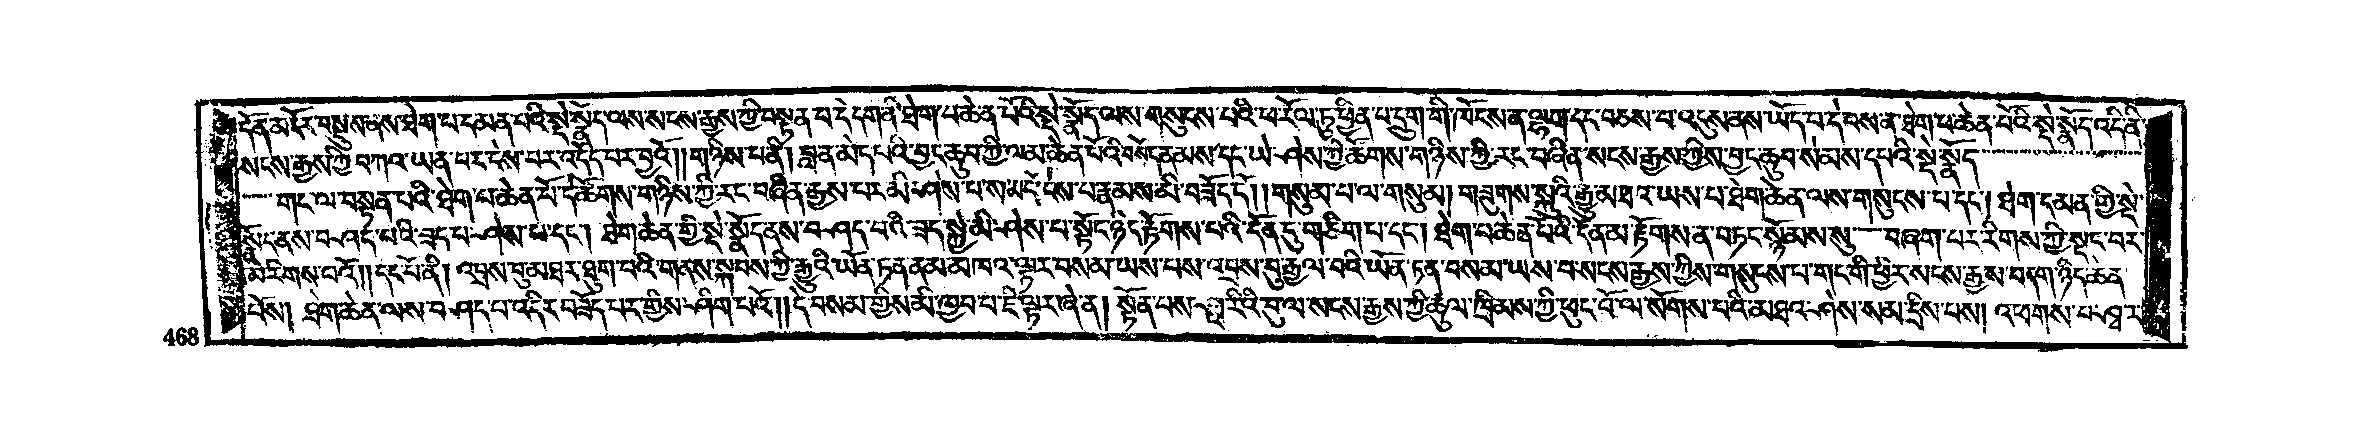དོན་མདོར་བསྡུས་ནས་ཐེག་པ་དམན་པའི་སྡེ་སྣོད་ལས་སངས་རྒྱས་ཀྱི་བསྟན་པ་དེ་དག་ནི་ཐེག་པ་ཆེན་པོའི་སྡེ་སྣོད་ལས་གསུངས་པའི་ཕ་རོལ་ཏུ་ཕྱིན་པ་དྲུག་གི་ཁོངས་ན་ལྷག་དང་བཅས་པ་འདུས་ནས་ཡོད་པ་དེ་བས་ན་ཐེག་པ་ཆེན་པོའི་སྡེ་སྣོད་འདི་ནི་
སངས་རྒྱས་ཀྱི་བཀའ་ཡན་པར་ངེས་པར་འདོད་པར་བྱའོ། །གཉིས་པ་ནི། བླ་ན་མེད་པའི་བྱང་ཆུབ་ཀྱི་ལམ་ཆེན་པོའི་བསོད་ནམས་དང་ཡེ་ཤེས་ཀྱི་ཚོགས་གཉིས་ཀྱི་རང་བཞིན་སངས་རྒྱས་ཀྱིས་བྱང་ཆུབ་སེམས་དཔའི་སྡེ་སྣོད་
གང་ལ་བསྟན་པའི་ཐེག་པ་ཆེན་པོ་དེ་ཚོགས་གཉིས་ཀྱི་རང་བཞིན་རྒྱས་པར་མི་ཤེས་པས་མདོ་ངེས་པ་རྣམས་མི་བཟོད་དོ། །གསུམ་པ་ལ་གསུམ། གཟུགས་སྐུའི་རྒྱུ་མཐའ་ཡས་པ་ཐེག་ཆེན་ལས་གསུངས་པ་དང་། ཐེག་དམན་གྱི་སྡེ་
སྣོད་ནས་བཤད་པའི་ཟད་པ་ཤེས་པ་དང་། ཐེག་ཆེན་གྱི་སྡེ་སྣོད་ནས་བཤད་པའི་ཟད་སྐྱེ་མི་ཤེས་པ་སྟོང་ཉིད་རྟོགས་པའི་དོན་དུ་གཅིག་པ་དང་། ཐེག་པ་ཆེན་པོའི་དོན་མ་རྟོགས་ན་བཏང་སྙོམས་སུ་བཞག་པར་རིགས་ཀྱི་སྡང་བར་
མ་རིགས་པའོ། །དང་པོ་ནི། འབྲས་བུ་མཐར་ཐུག་པའི་གནས་སྐབས་ཀྱི་རྒྱུའི་ཡོན་ཏན་ནམ་མཁའ་ལྟར་བསམ་ཡས་པས་འབྲས་བུ་རྒྱལ་བའི་ཡོན་ཏན་བསམ་ཡས་པ་སངས་རྒྱས་ཀྱི་གསུངས་པ་གང་གི་ཕྱིར་སངས་རྒྱས་བདག་ཉིད་ཆེན་
པོས། ཐེག་ཆེན་ལས་བཤད་པ་འདིར་བཟོད་པར་གྱིས་ཤིག་པའོ། །དེ་བསམ་གྱིས་མི་ཁྱབ་པ་ཇི་ལྟར་ཞེ་ན། སྟོན་པས་ཤཱ་རིའི་བུ་ལ་སངས་རྒྱས་ཀྱི་ཚུལ་ཁྲིམས་ཀྱི་ཕུང་པོ་ལ་སོགས་པའི་མཐའ་ཤེས་སམ་དྲིས་པས། འཕགས་པ་ཤྭ་ར་